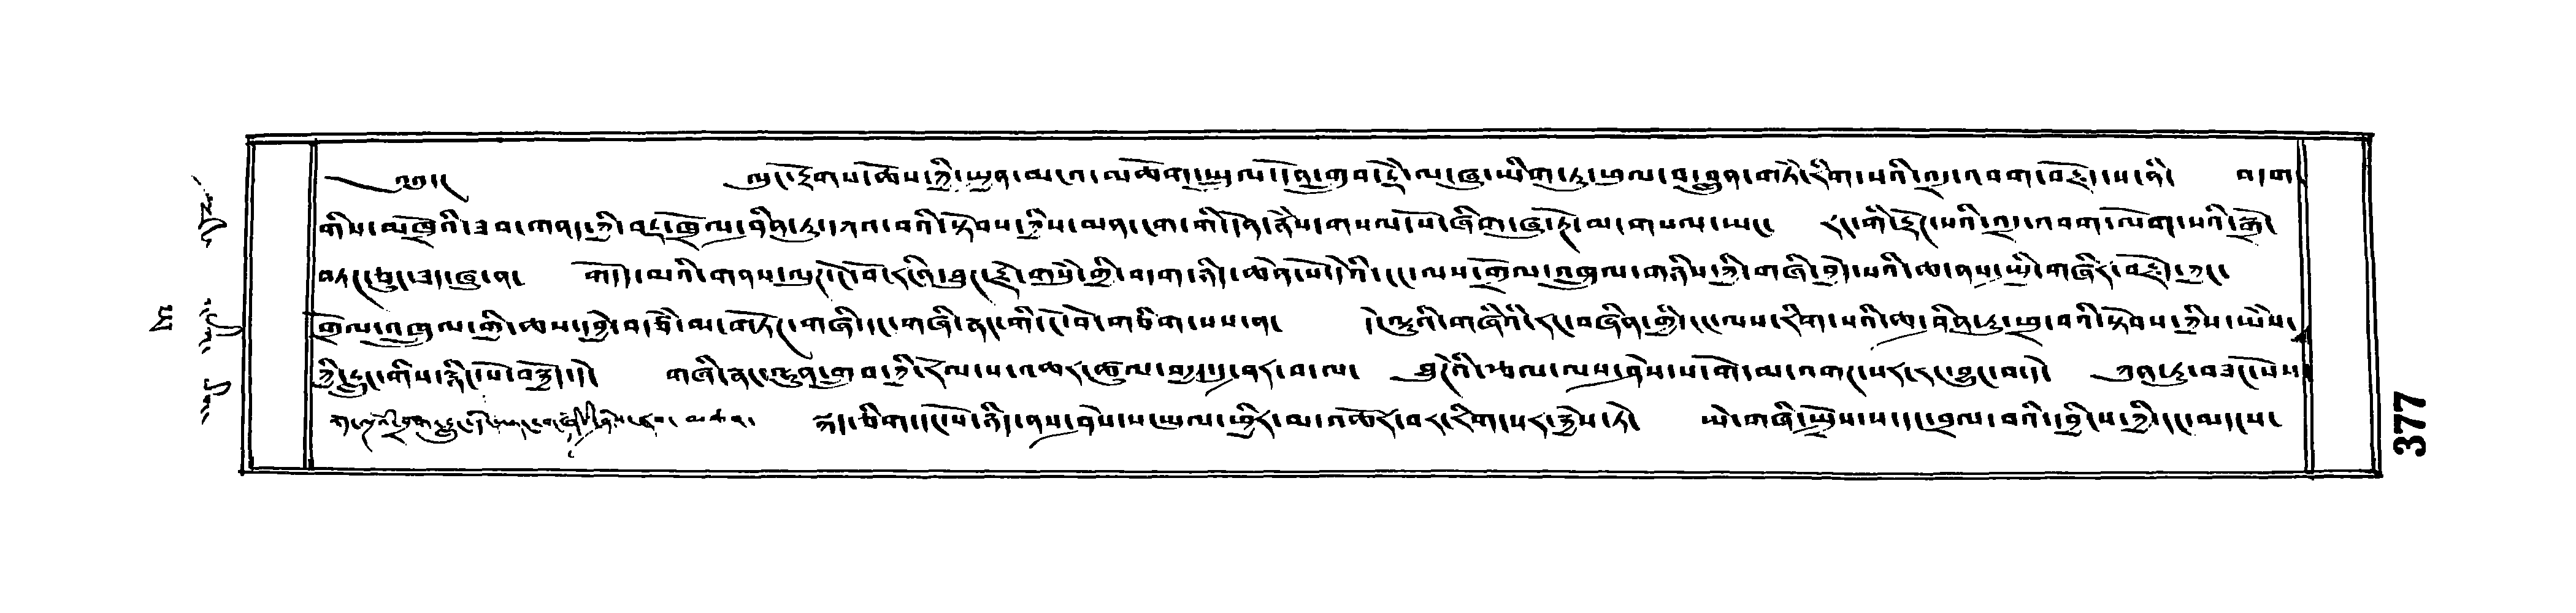ལུང་རྟོགས་ཆོས་ཀྱི་སྤྱན་མངའ་མཆོག་སྤྲུལ་དོན་གྲུབ་རྡོ་རྗེ་ལ་ཞུ་ཡིག་ཏུ་ཕུལ་བ་བླུན་གཏམ་རིག་པའི་འདྲ་འབག་བརྗོད་པ་ནི། བདག་
གིས་མཁའ་འགྲོའི་ཟབ་གནད་ཀྱི་བརྡ་ཁྲོལ་ཤིན་ཏུ་དཀའ་བའི་སྟོབས་ཀྱིས་མན་ངག་གི་དོན་རྣམས་གསལ་པོ་ཞིག་ཞུ་རྔོ་མ་གསལ་ཡང་། རང་གི་རྟོགས་པའི་འདྲ་འབག་ལོག་པའི་སྒྲོ་
བཏགས་ཅུང་ཟད་ཞུ་ན། གདོད་མའི་གནས་ལུགས་ངོ་བོ་རང་བཞིན་ཐུགས་རྗེ་གསུམ་གྱི་བདག་ཉིད་ཆེན་པོ་དེའི་ངང་ལས་གྲོལ་འཁྲུལ་གཉིས་ཀྱི་གཞི་བྱེད་པའི་ཆ་ནས་སྤྱི་གཞིར་བརྗོད་ཀྱང་
གྲོལ་འཁྲུལ་གྱི་ཆས་དབྱེ་བ་ཙམ་མ་གཏོགས་གཞི་དང་གཞི་སྣང་གི་ངོ་བོ་གཅིག་པས་ན། དེ་ལྟ་བུའི་གཞིའི་རང་བཞིན་གྱི་ངང་ལས་རིག་པའི་ཆ་ཤིན་ཏུ་ཕྲ་བའི་སྟོབས་ཀྱིས་ཡེ་ཤེས་
ཀྱི་རླུང་གིས་སྙིང་པོ་བསྐྱོད་དེ། གཞི་སྣང་ལྷུན་གྲུབ་ཀྱི་རོལ་པ་འཆར་ཚུལ་བརྒྱད་དུ་ཤར་བ་ལ། ཐུགས་རྗེའི་རྩལ་ལས་ཤེས་པ་གོ་མ་འགགས་པར་རང་བྱུང་བ་དེ། ཀུན་ཏུ་བཟང་པོས་
སྐད་ཅིག་དང་པོ་ཉིད་ནས་ཤེས་པ་ཡུལ་ཕྱིར་མ་འཆོར་བར་རིག་པར་སྐྱེས་ཏེ། ཡེ་གཞི་སྤྲོས་པ་དང་བྲལ་བའི་དབྱིངས་ཀྱི་རང་མདངས་